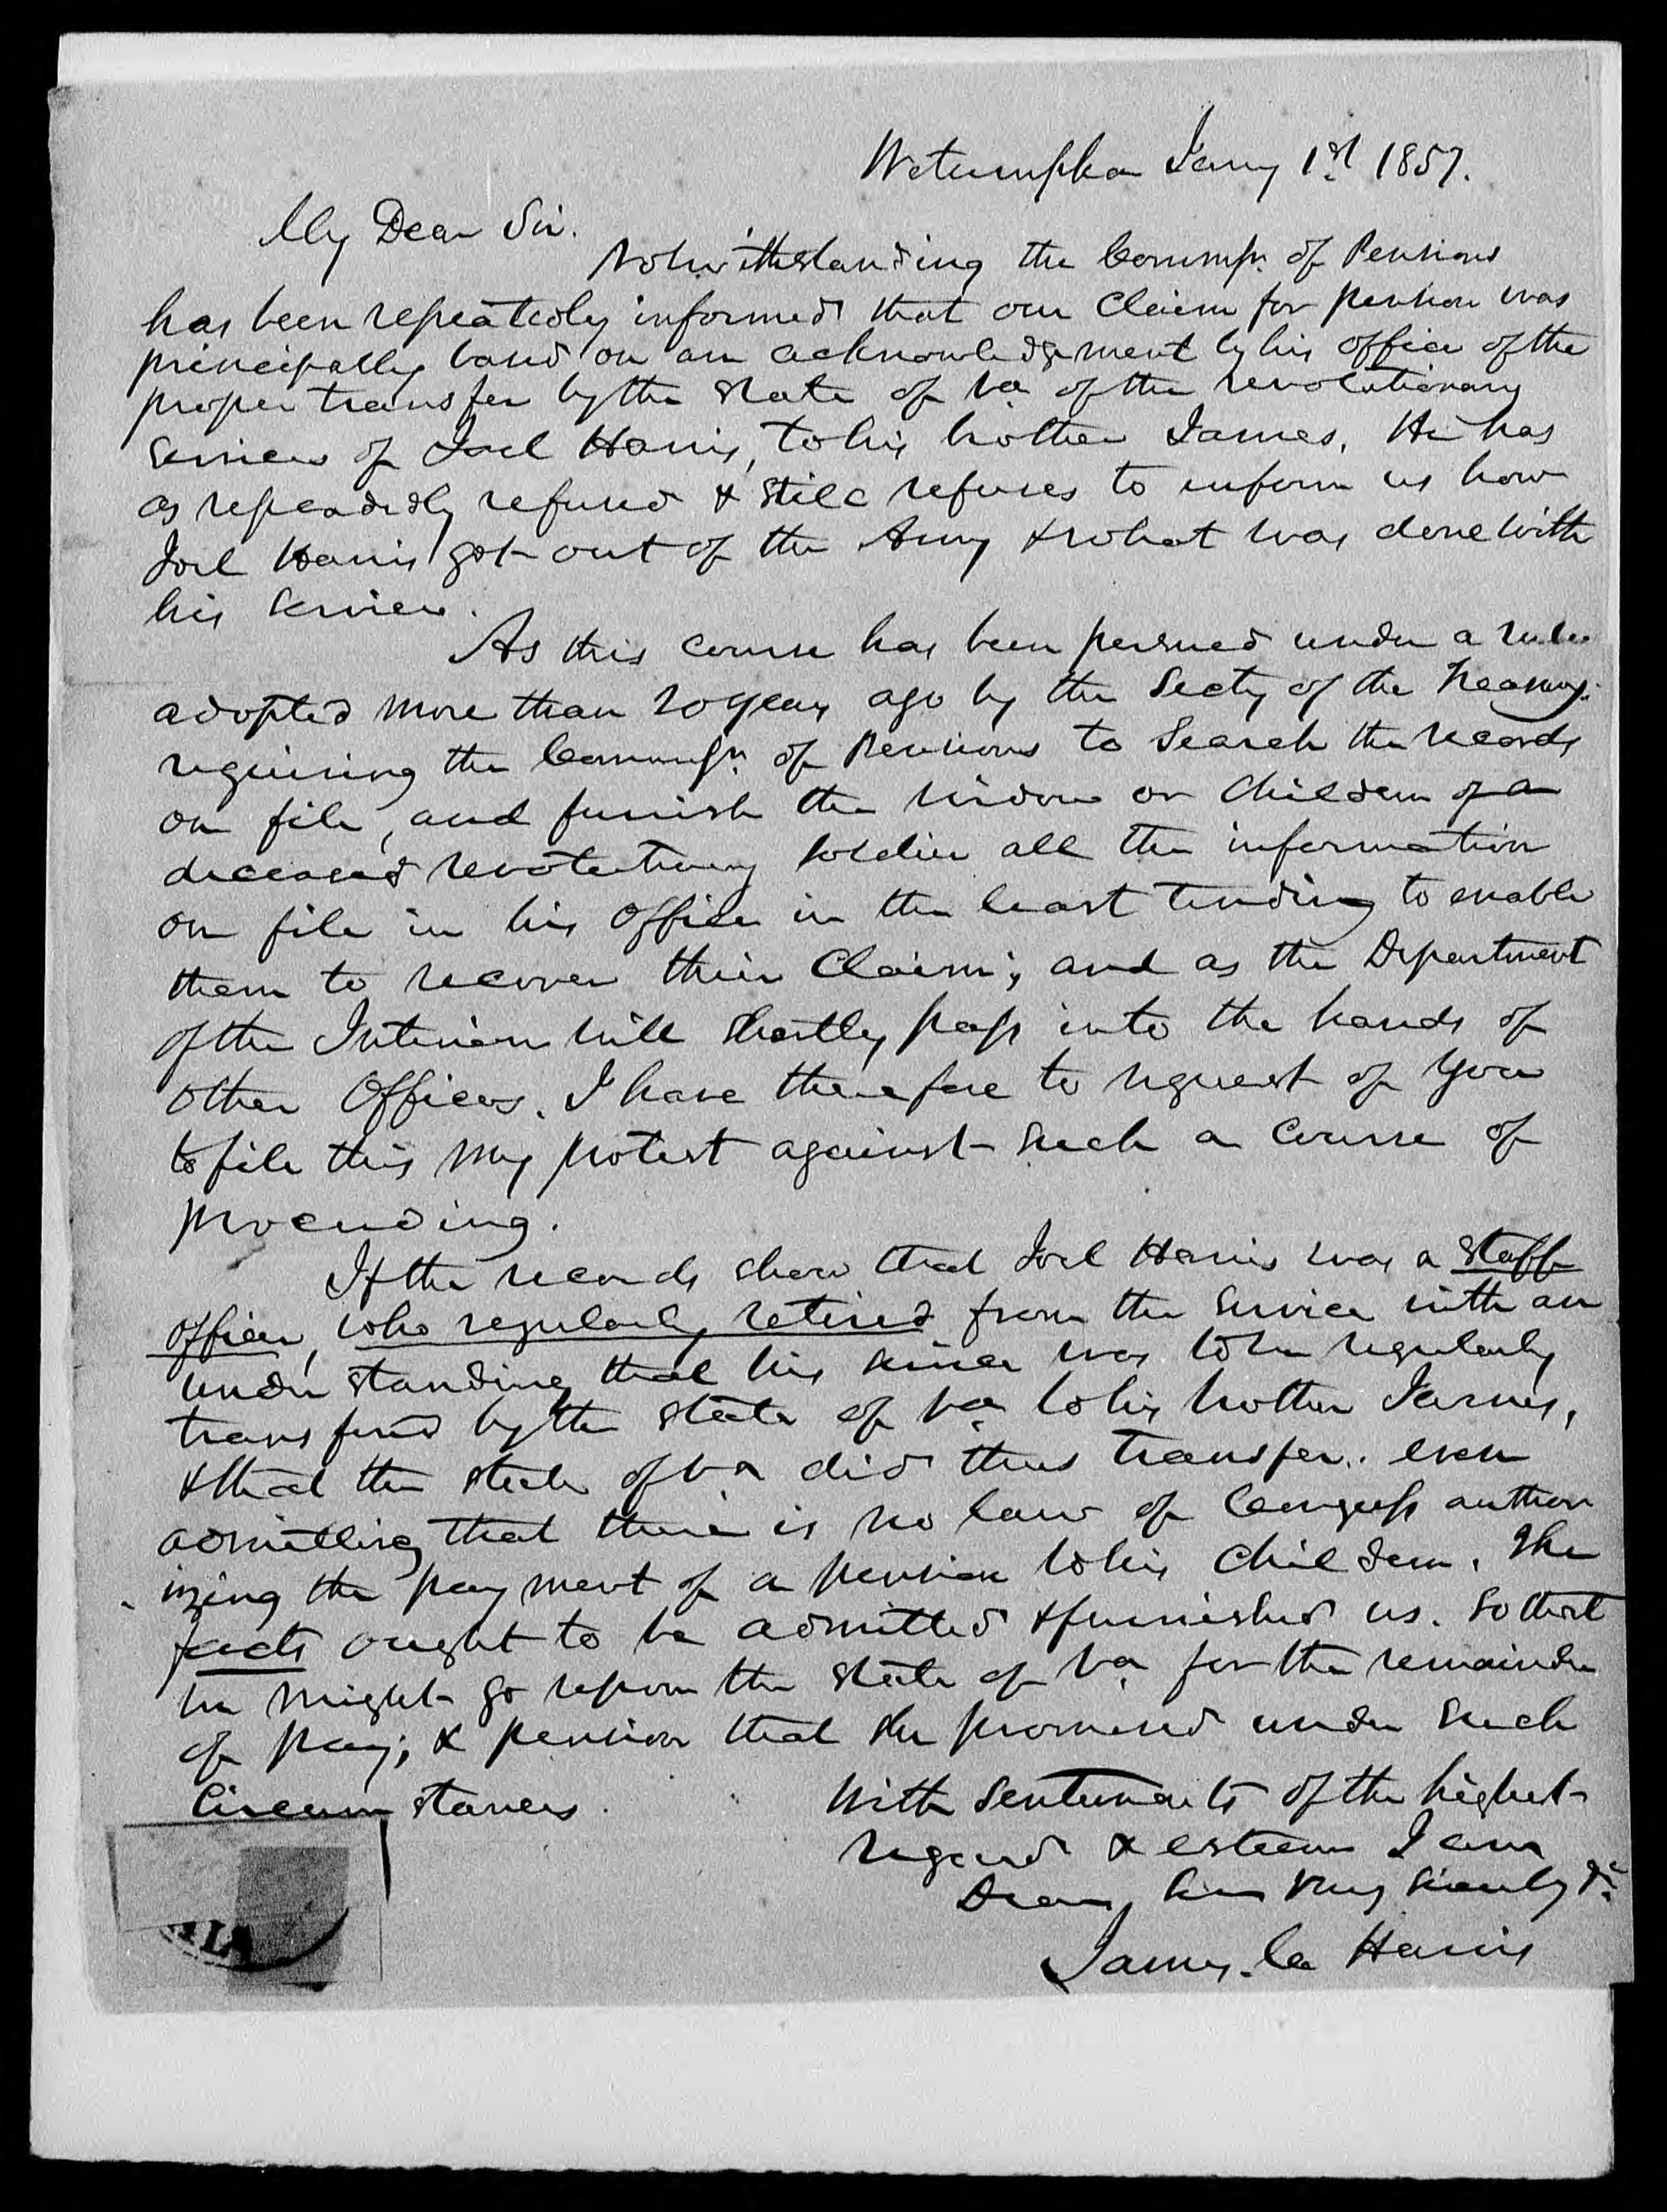Wetumpka Jany 1st 1857
My Dear Sir.
   Notwithstanding the Commssr of Pensions has been repeatedly informed that our claim for pension was principally based on an acknowledgment by his office of the proper transfer by the State of Va of the revolutionary service of Joel Harris, to his brother James, He has as repeatedly refused &  still refuses to inform us how Joel Harris got out of the Army & what was done with his service.
   As this course has been pursued under a rule adopted more than 20 years ago by the Secty of the Treasury requiring the Commissr of Pensions to Search the records on file and furnish the widow or children of a deceased revolutionary soldier all the information on file in his office in the least tending to enable them to recover their claim; and as the Department of the Interior will shortly pass into the hands of other officers, I have therefore to request of you to file this my protest against such a course of proceeding.
   If the records show that Joel Harris was a staff officer, who regularly retired from the service with an understanding that his service was to be regularly transferred by the State of Va to his brother James, & that the State of Va did this transfer. even admitting that there is no law of Congress authorizing the payment of a pension to his children, the facts ought to be admitted & furnished us so that we might go upon the State of Va for the remainder of pay & pension that she promised under such circumstances.
          With sentiments of the highest regard & esteem I am [?] [?] very sincerely &c.
          James C. Harris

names: Joel Harris, James, James C Harris, Joel Harris, Joel Harris, James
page: 25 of 160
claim: rejected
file: R. 4666, James Harris, Va.